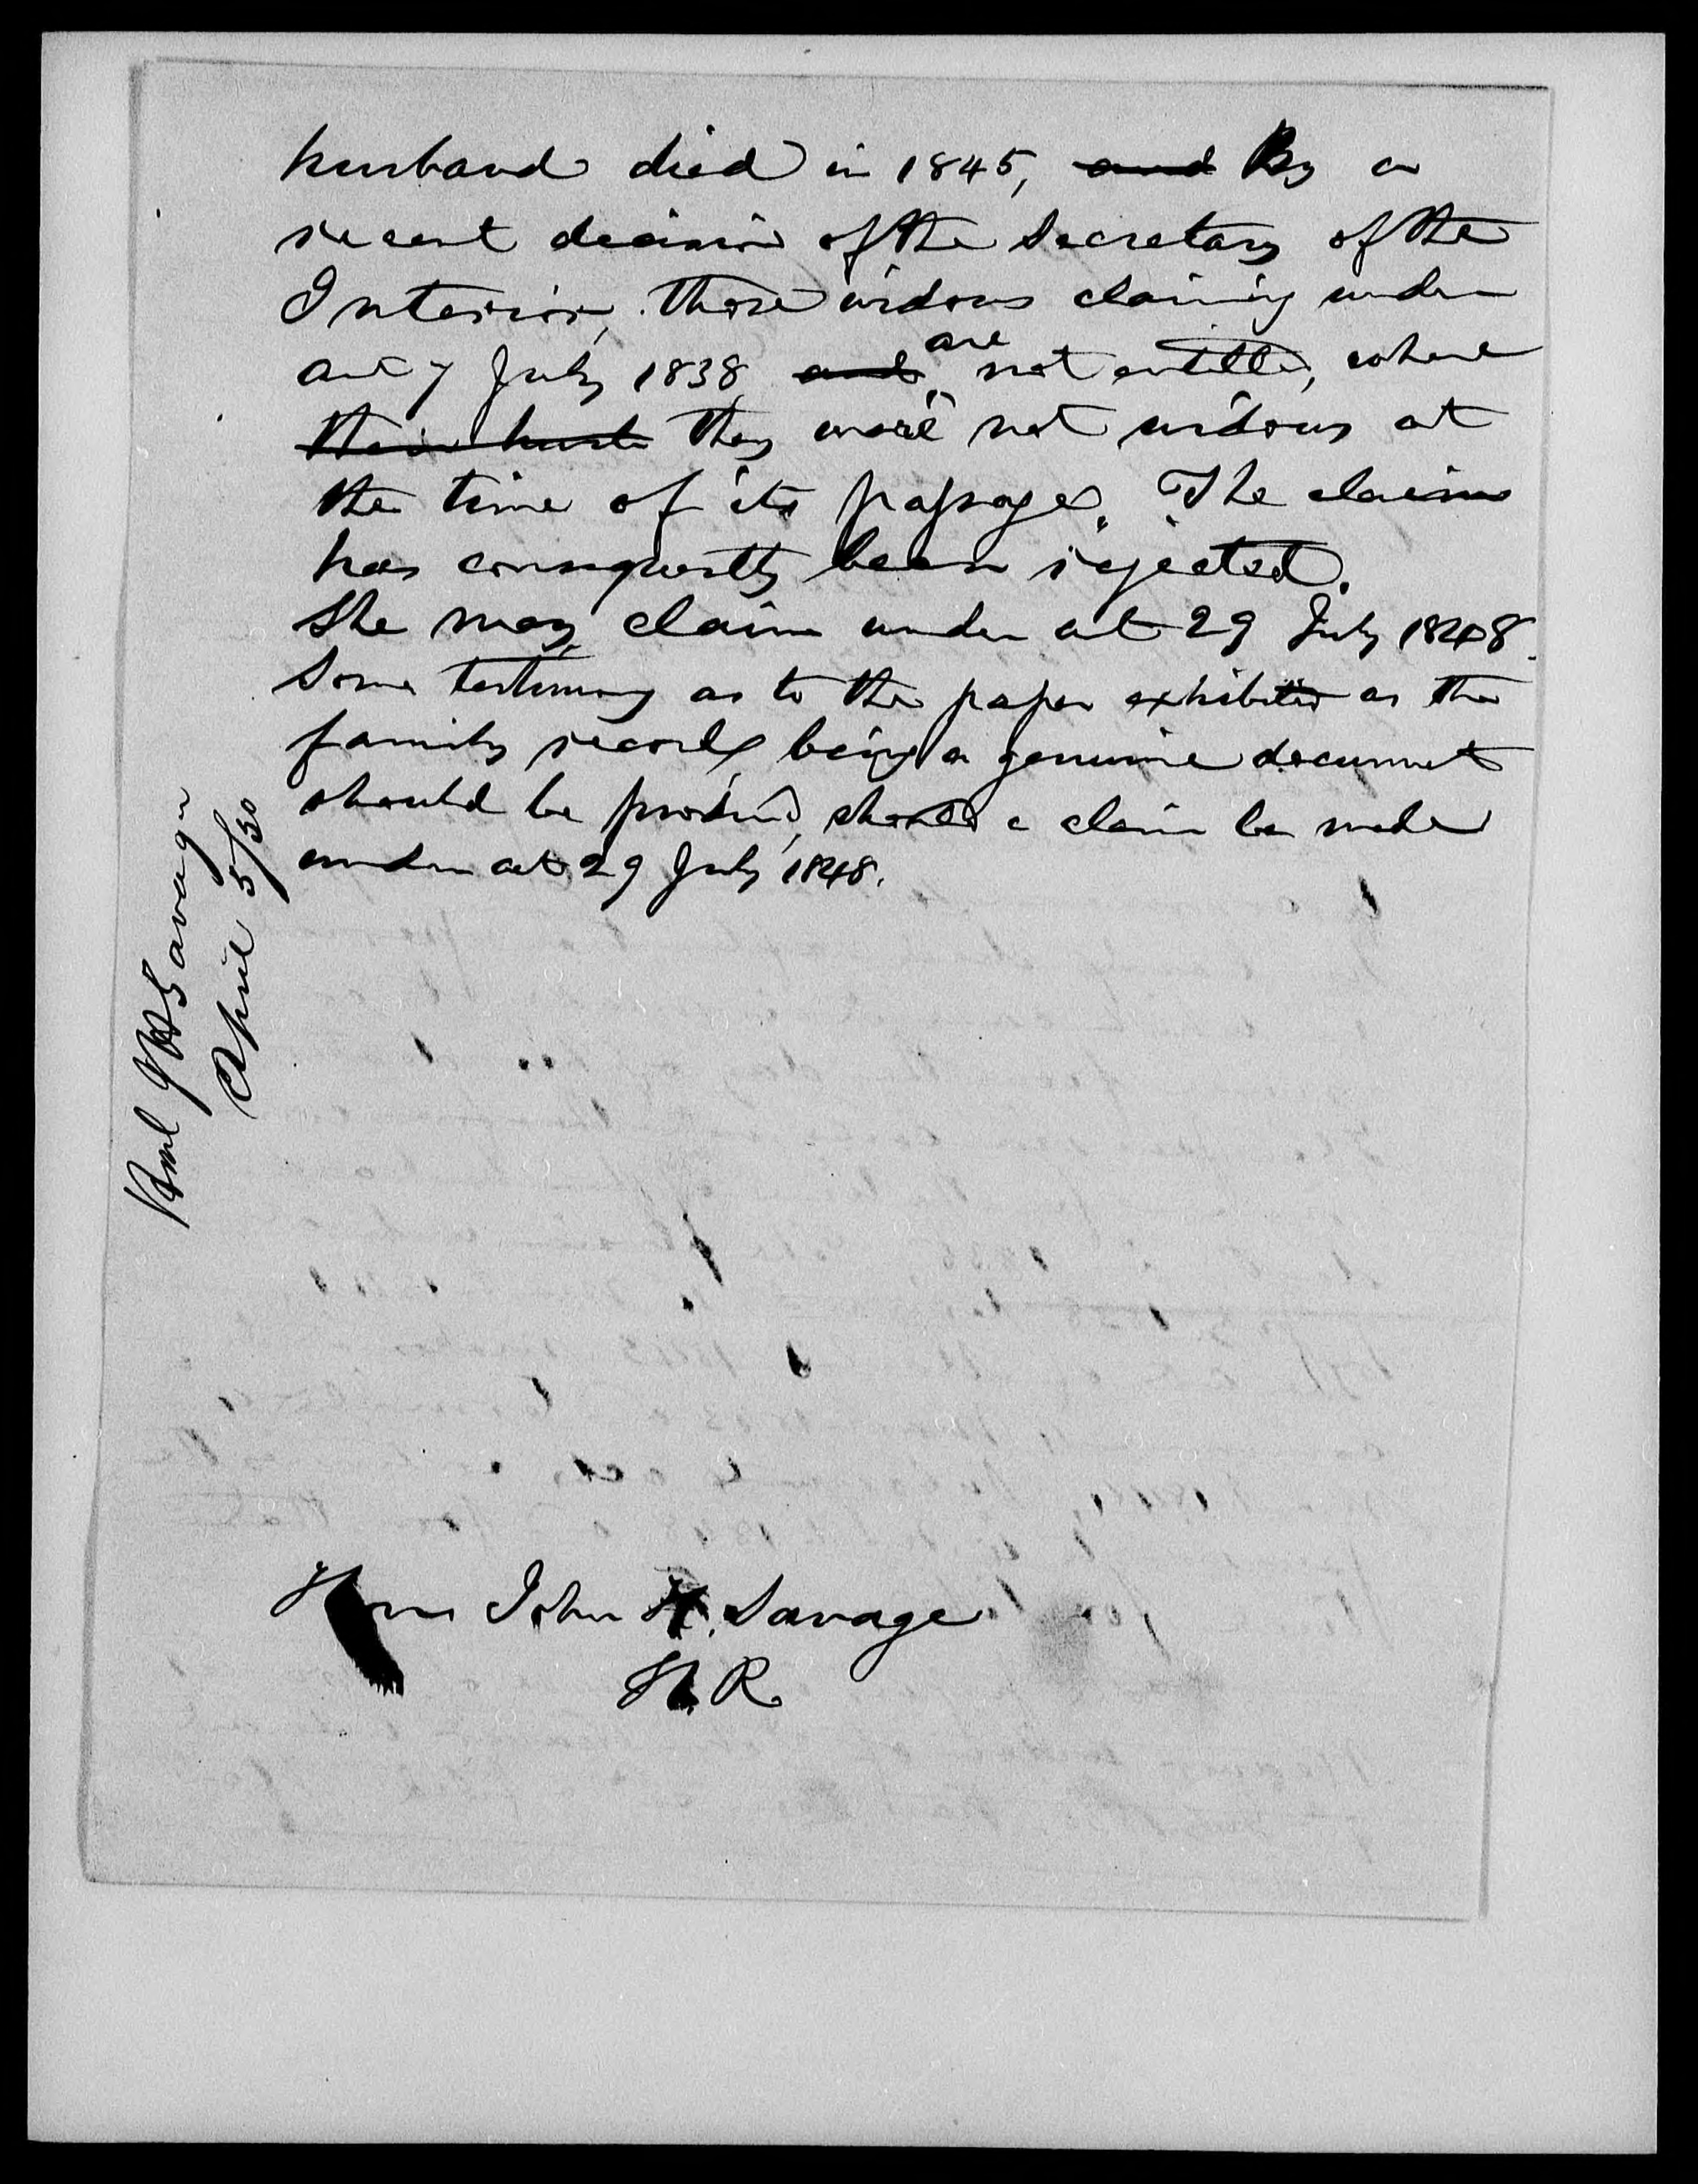husband died in 1845, by a recent decision of the Secretary Interior those widows claiming under Act 7 July 1838 are not entitled, when they were not widows at the time of its passage. The claim has consequently been rejected. 
She may claim under act 29 July 1848. Some testimony as to the paper exhibited as the family record being a genuine document should be provided, should a claim be made under act 29 July 1848.
Hon. John H. Savage H. R.

[written sideways] Honl. J. H. Savage April 5/50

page: 33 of 67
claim: widow's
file: W. 21793, for George Mc Lain, North Carolina